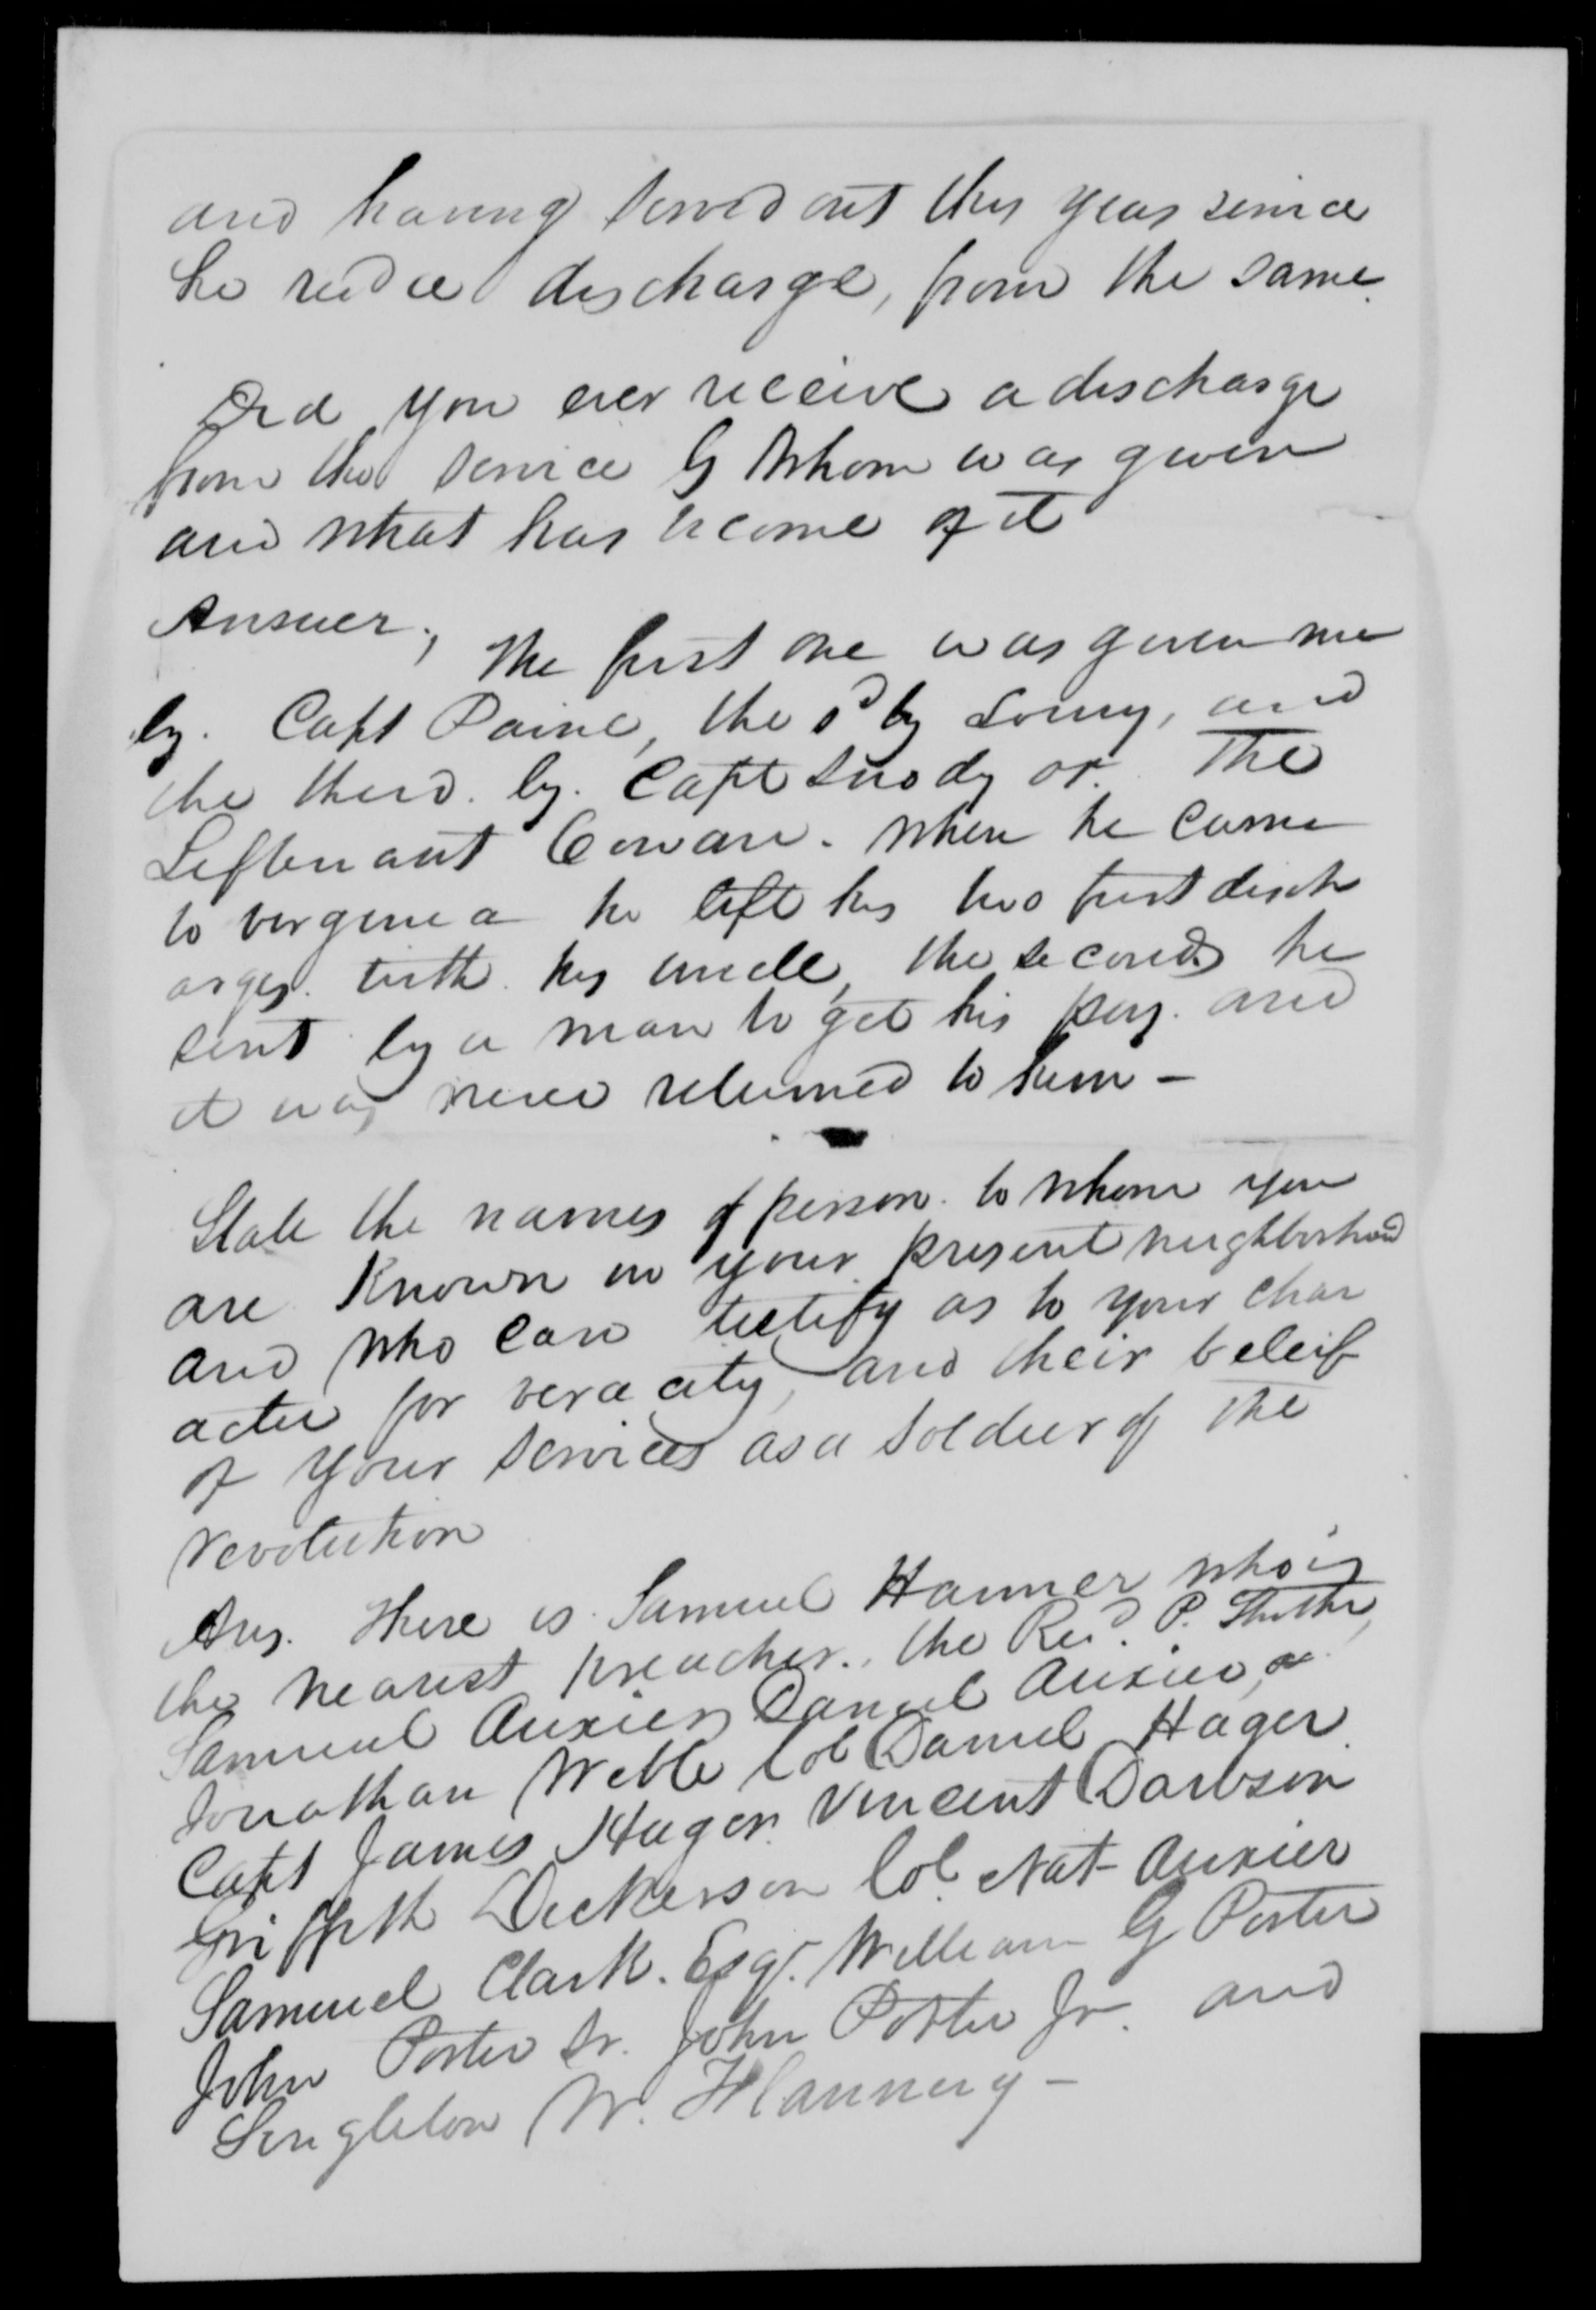and having served out this year service he recd a discharge from the same 
Did you ever receive a discharge from the service G Whom was given and what has become of it
Answer, the first one was given me by Capt Paine, the sd by Loury, and the third by Capt Snody or the Liftenant Cowan when he came to Virginia he left his two first discharges with his uncle, the second he sent by a man to get his pay and it was never returned to him
State the names of person to whom you are known in your present neighborhood and who can testify as to your character for veracity, and their belief of your services as a soldier of the revolution
Ans There is Samuel Harmer who is the nearest preacher the Revd P Thethr, Samuel Auxier Daniel Auxier, & Jonathan Webb Col Daniel Hager Capt James Hager Vincent Dawson Griffith Dickerson Col Nat Auxier Samuel Clark Esqr William G Porter John Porter Sr John Porter Jr and Singleton W Flannery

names: William G Porter, Cowan, Snody, Daniel Hager, Nat Auxier, Samuel Auxier, James Hager, Singleton W Flannery, Samuiel Clark, Vincent Dawson, Daniel Auxier, Loury, Griffith Deckerson, John Porter, Samuel Hanner, Paine, Jonathan Webb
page: 29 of 100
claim: widow's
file: W. 6437, Richard Wells, Ga Va.